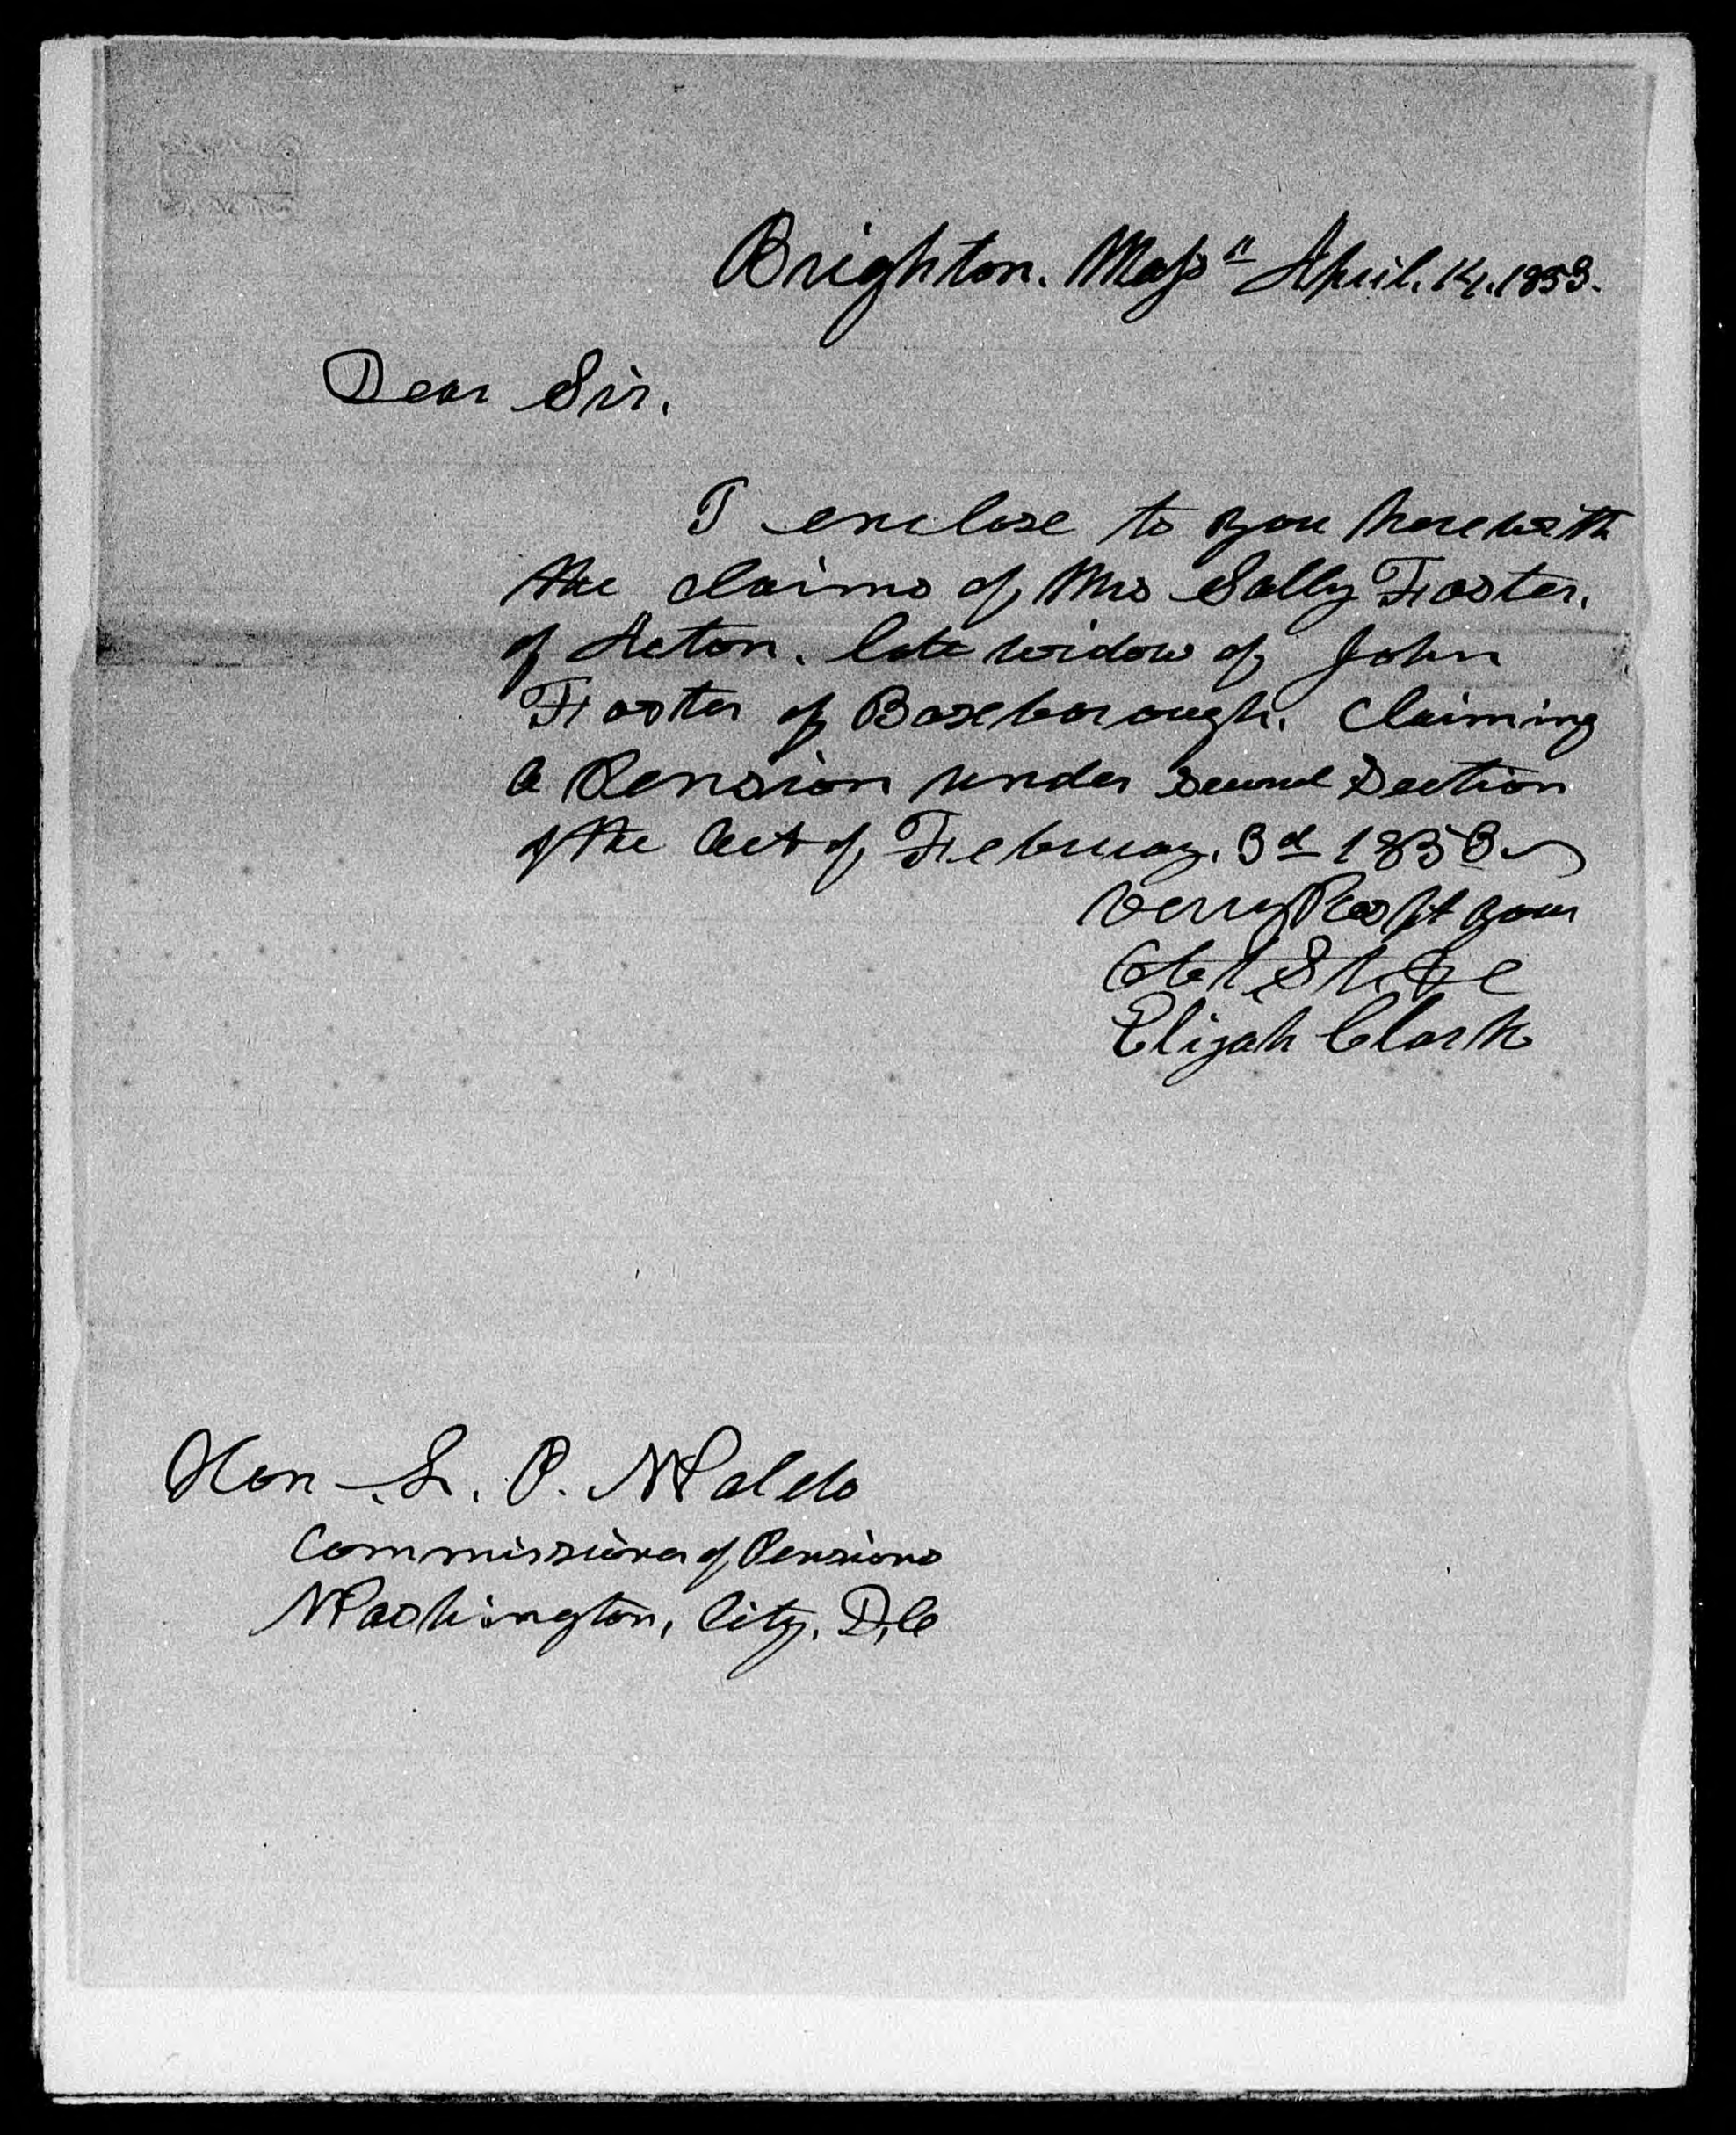Brighton Massachusetts, Apr 14, 1853
Dear Sir:
I enclose to you herewith the claims of Mrs. Sally Foster of Acton, late widow of John Foster of Boxborough claiming a pension under served section of the Act of February 3, 1843
Very Respectfully your Obedient servant 
Elijah Clark
Hon. S. P. Waldo
Commissioner of Pensions
Washington City, DC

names: Sally Foster, Elijah Clark, L P Waldo, John Foster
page: 37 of 47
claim: widow's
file: W. 7,302, John Foster, Continental Mass. R.I.